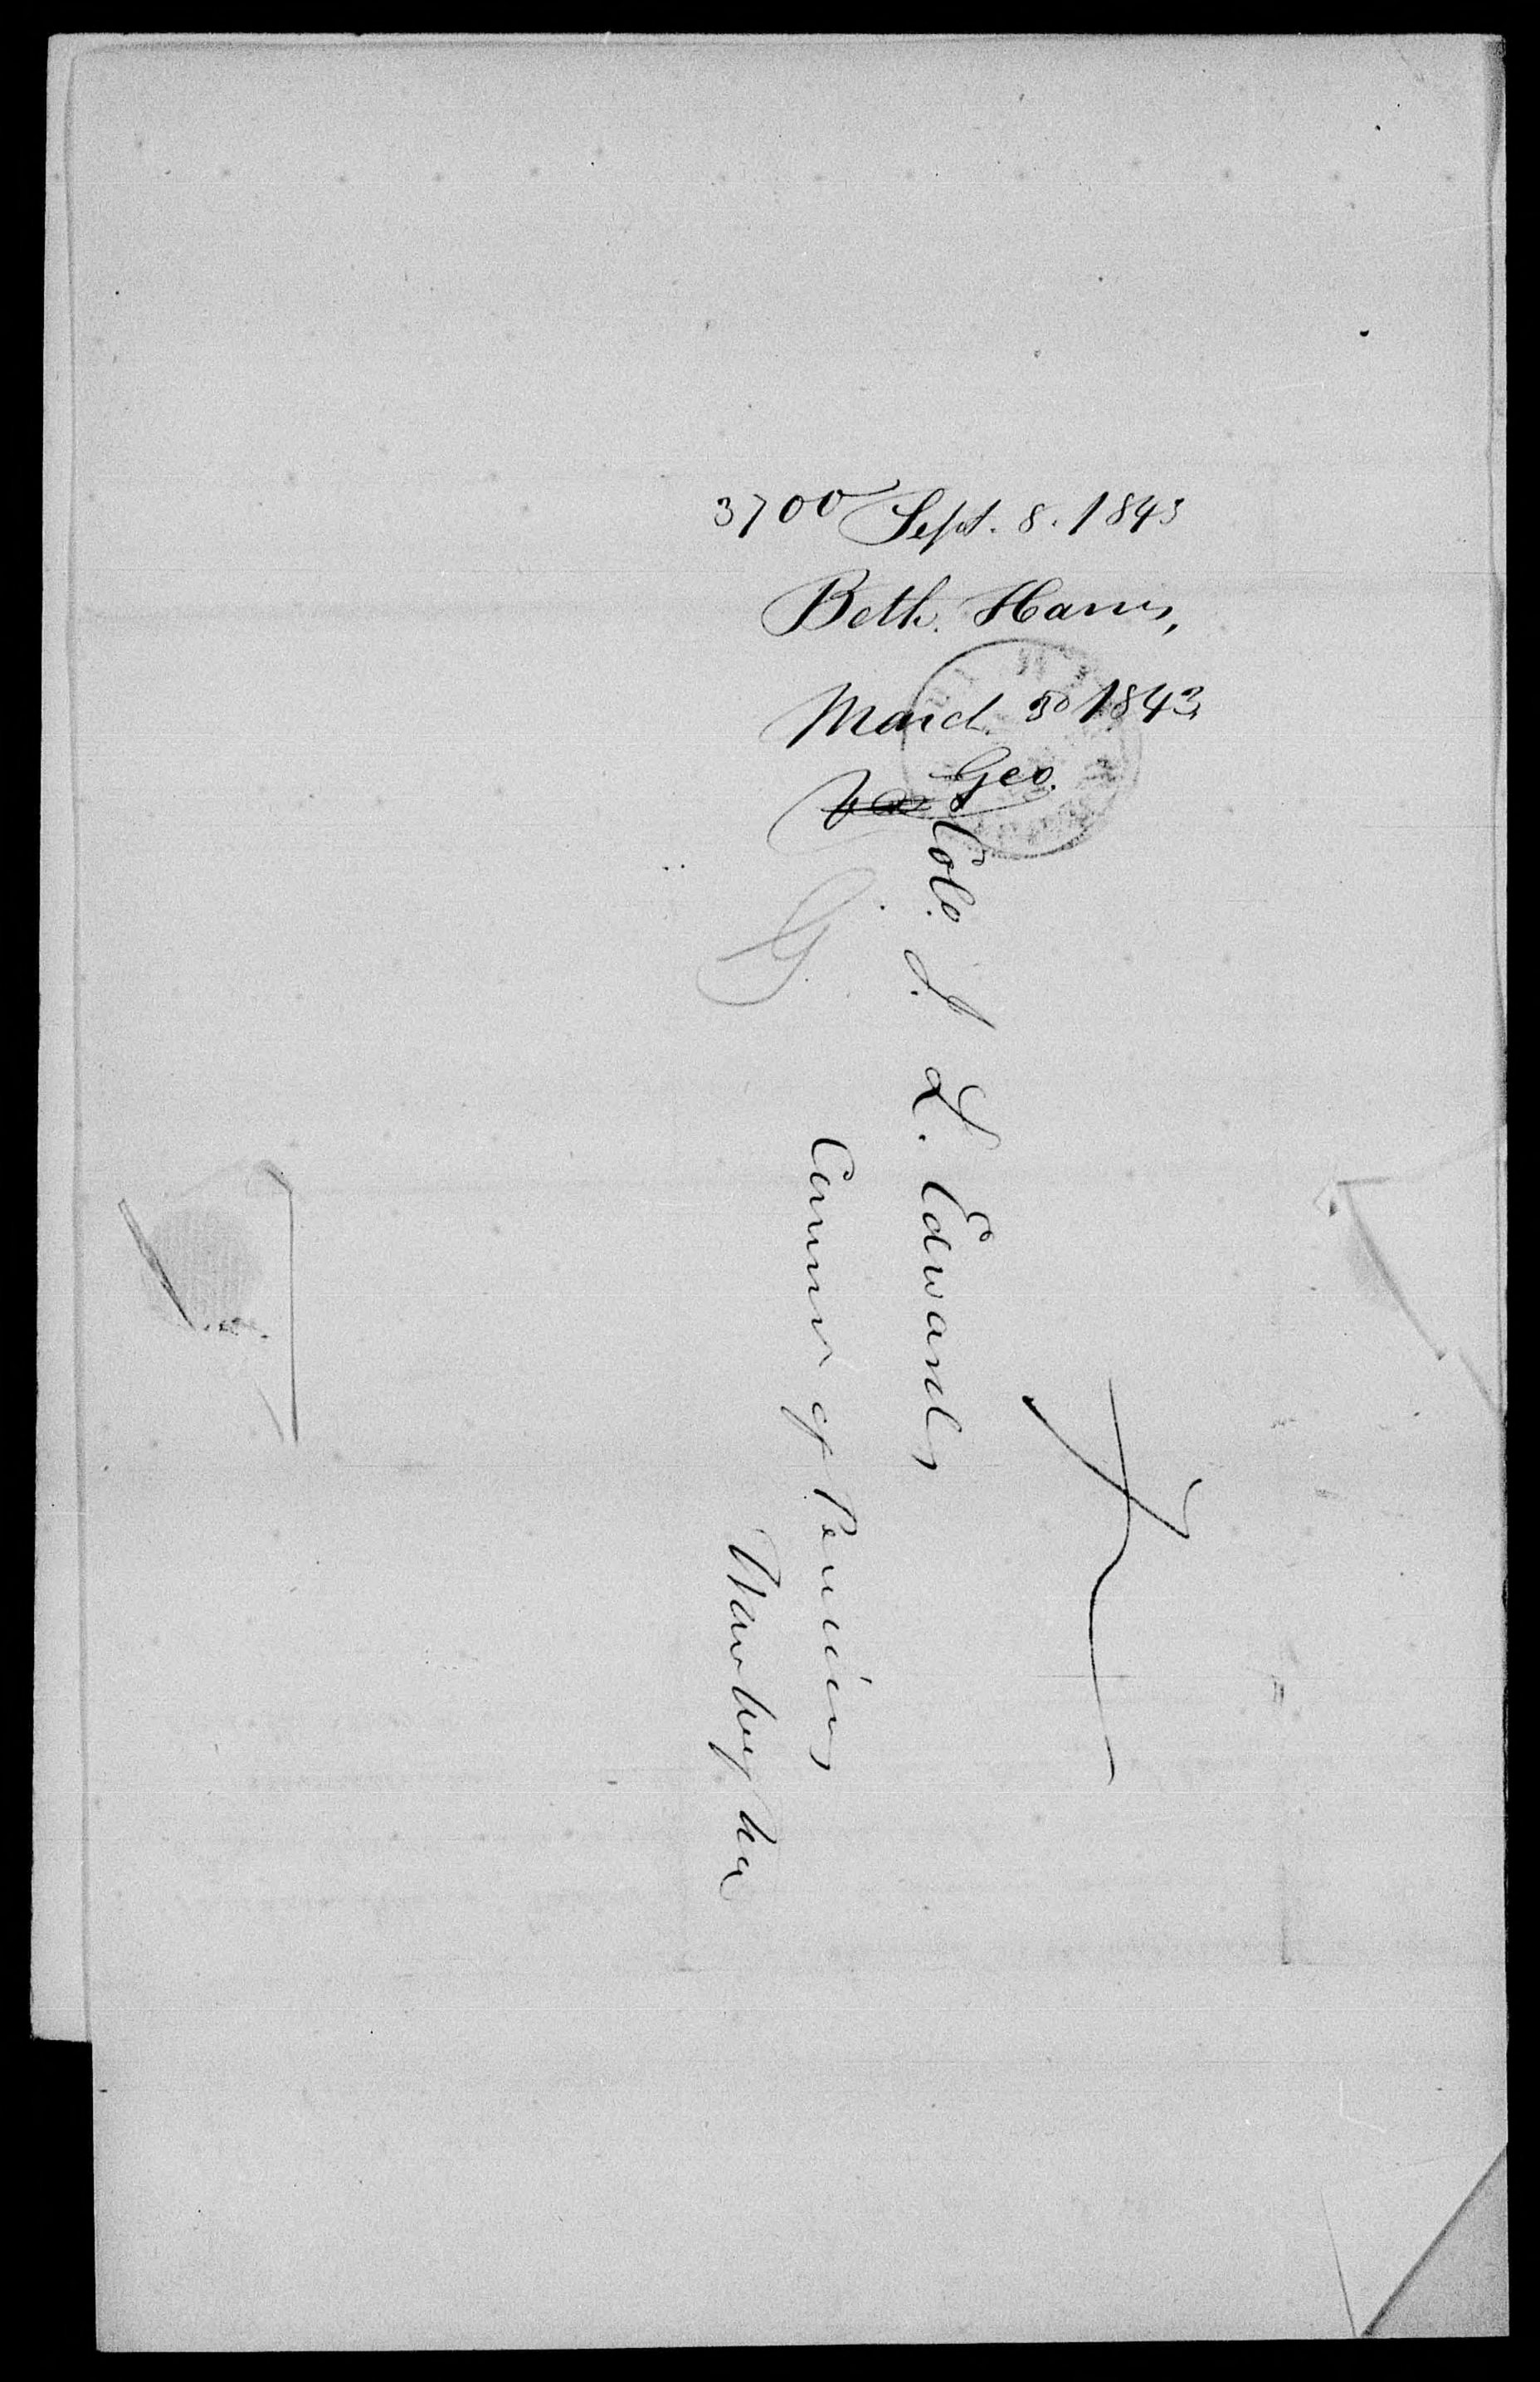3700 Sept. 8, 1843 
Beth Harris March 3 1843 
Geo.

Col J.L. Edwards
Commissioner of Pensions
Washington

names: Beth Harris, J L Edwards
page: 46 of 62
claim: survivor's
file: S. 38816, Benjamin Harris, Mass.